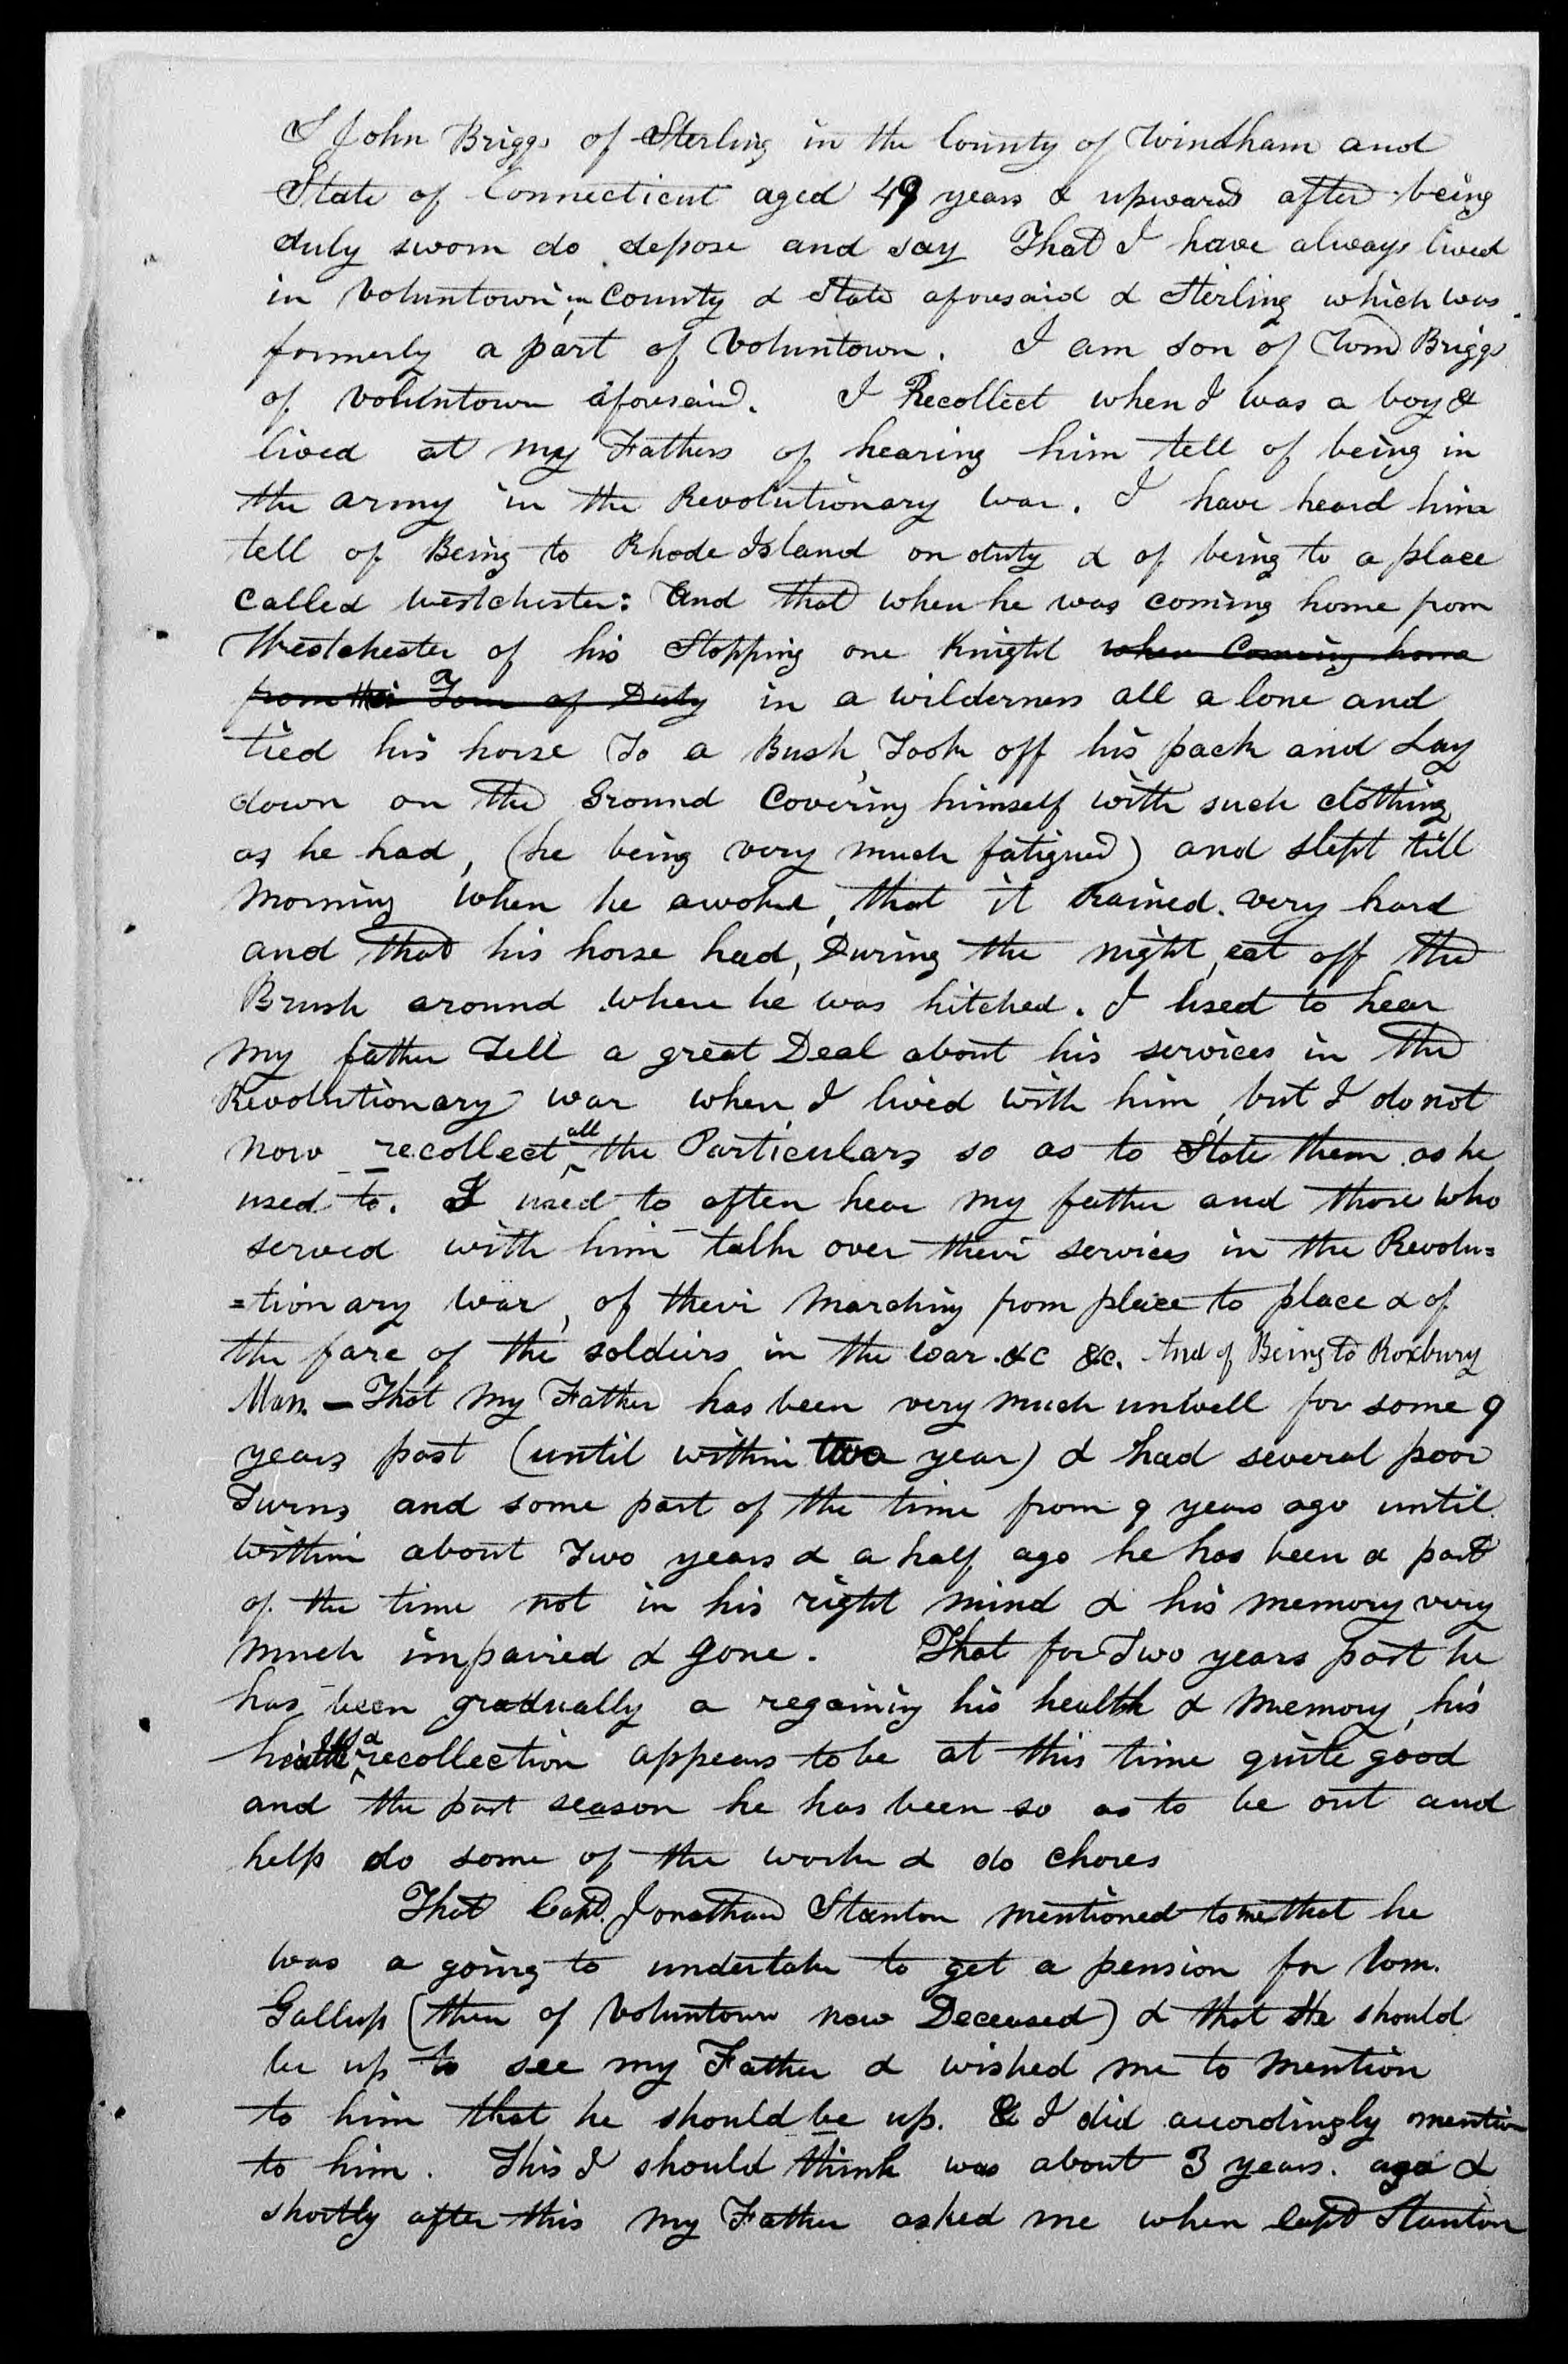I John Briggs of Sterling in the County of Windham and State of Connecticut aged 49 years & upward after being duly sworn do depose and say That I have always lived in Voluntown  in County & State aforesaid & Sterling which was formerly a part of Voluntown.  I am son of Tom Briggs of Voluntown aforesaid.  I recollect when I was a boy & lived at my Fathers of hearing him tell of being in the army in the Revolutionhary War.  I have heard him tell of being to Rode Island on duty & of being to a place called Westchester: and that when he was coming home from Westchester of his stopping one Knight [sic] [next several words crossed out] in a wilderness all a lone [sic] and tied his horse to a bush  took off his pack and lay down on the ground covering himself with such clothing as he had, (he being very much fatigued) and slept till morning when he awaked, that it rained very hard and that his horse had during the night, ate off the brush around where was hitched. I used to hear my Father tell a great deal about his services in the Revolutionary war when I lived with him, but I do not now recollect all the particulars as so as to State them as he used to.  I used to hear my Father and those who served with him talk over their services in the Revolutionary war, of their marching from place to place & of the fare of the soldiers in the war, etc., etc.   And of being to Roxbury Mass -- That my Father has been very much unwell for some 9 years past (until within two years) I had several poor turns and some part of the time not in his right mind & his memory very much impaired & gone.  That for Two years past he has gradually a regaining his health & memory, his health & recollection appears to be at this time quite good and the past season he had been so as to be out and help do some of the work & do chores

That Capt Jonathan Stanton mentioned t a pension for Wm Gallup (then a Voluntown now deceased) & that he should be up to see my Father & wished me to mention to him that he should be up.  & I did accordingly mention to him  This I should think was about  3 years ago & shortly after this my Father asked me when Capt Stanton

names: Stanton, John Briggs, Jonathan Stanton, Wm Gallup, Wm Briggs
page: 32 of 37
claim: survivor's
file: S. 12,281, William Briggs, Conn.